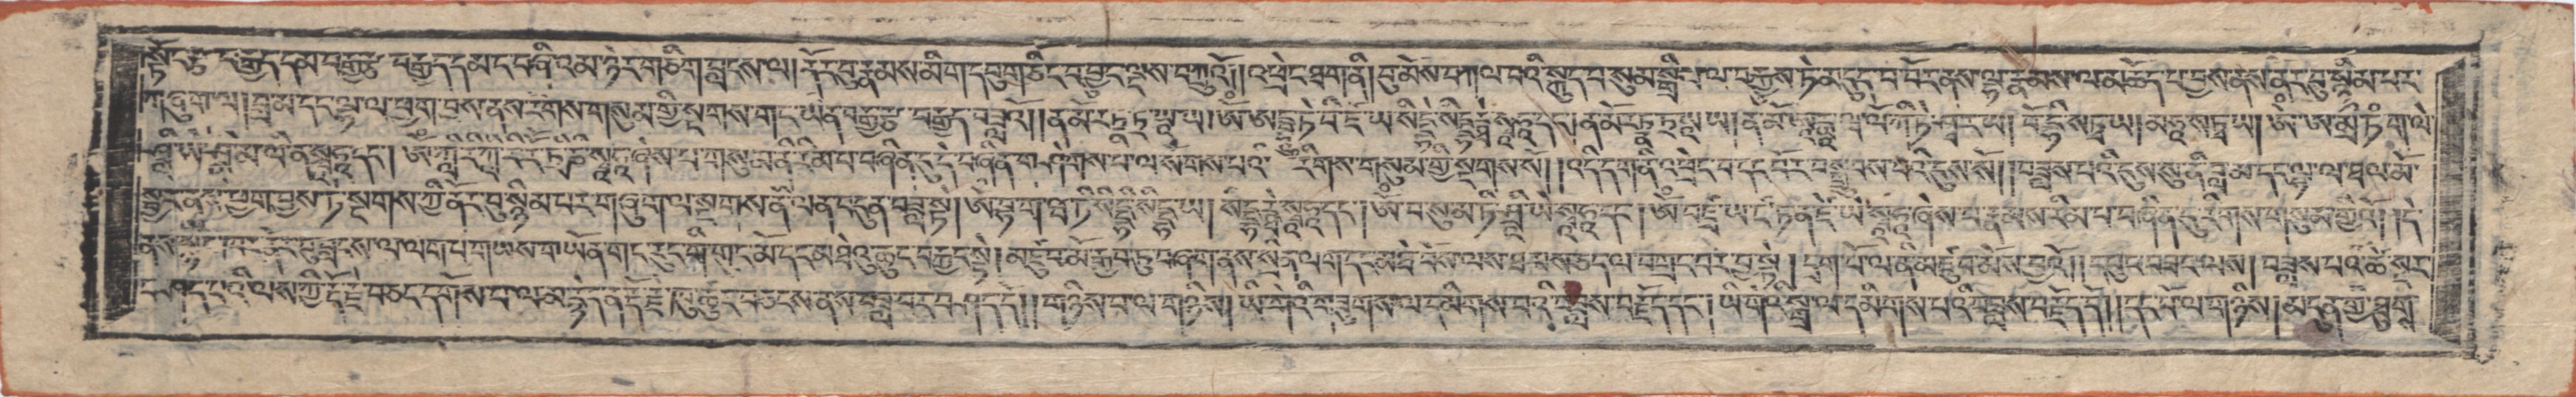སྟོང་རྩ་བ་རྒྱད་དམ་བརྒྱ་རྩ་བརྒྱད་དམ་ང་བཞི་འམ་ཉེར་གཅིག་བླངས་ལ། ནོར་བུ་རྣམས་མིག་དབུག་ཅིང་བ་བྱུང་ལྔས་བཀྲུའོ། །འཕྲེང་ཐག་ནི། བུ་མོས་བཀལ་བའི་སྐུད་པ་སུམ་སྒྲིལ་ལ་བརྒྱུས་ཏེ་མདུད་པ་བོར་ནས་ལྷ་རྣམས་ལ་མཆོད་པ་བྱས་ནས་ནོར་བུ་སྙིམ་པར་
གཞུག་ལ། བླ་མ་དང་ལྷ་ལ་ཕྱག་བྱས་ནས་རིགས་གསུམ་གྱི་སྔགས་གང་ཡིན་བརྒྱ་རྩ་བརྒྱད་བཟླའོ། །ན་མོ་རཏྣ་ཏྲ་ཡཱ་ཡ། ཨོཾ་ཨདབྷཱུ་ཏེ་བི་ཛ་ཡ་སིདྡྷེ་སིདྡྷརྠེ་སྭཱཧཱ་དང་། ན་མོ་རཏྣ་ཏྲ་ཡཱ་ཡ། ན་མོ་ཨཱརྱཱ་ཝ་ལོ་ཀི་ཏེ་ཤྭ་ར་ཡ། བོ་དྷི་སཏྭ་ཡ། མཧཱ་སཏྭ་ཡ། ཨོཾ་ཨ་མྲྀ་ཏཾ་ག་ལེ་
ཤྲཱི་ཡེ་ཤྲཱི་མ་ལི་ན་སྭཱཧཱ་དང་། ཨོཾ་ཀླི་རི་ཀླི་རི་རཽ་ཏྲི་ཎི་སྭཱཧཱ་ཞེས་པ་གསུམ་ནི་རིམ་པ་བཞིན་དུ་དེ་བཞིན་གཤེགས་པ་ལ་སོགས་པའི་རིགས་གསུམ་གྱི་སྔགས་སོ། །འདི་དག་ནི་འཕྲེང་བ་དང་པོར་བསྒྲུབས་པའི་དུས་སོ། །བཟླས་པའི་དུས་སུ་ནི་བླ་མ་དང་ལྷ་ལ་ཐལ་མོ་
སྦྱར་ནས་ཕྱག་བྱས་ཏེ་སྔགས་ཀྱི་ནོར་བུ་སྙིམ་པར་གཞུག་ལ་སྔགས་ནི་ལན་བདུན་བཟླ་སྟེ། ཨོཾ་བྷ་ག་ཝ་ཏི་སིདྡྷི་སིདྡྷི་ཡ། སིདྡྷི་རྠེ་སྭཱཧཱ་དང་། ཨོཾ་བུ་སུ་མ་ཏི་ཤྲཱི་ཡེ་སྭཱཧཱ་དང་། ཨོཾ་བཛྲ་ཡ་ཛ་ཏ་ན་ཛེ་ཡེ་སྭཱཧཱ་ཞེས་པ་རྣམས་རིམ་པ་བཞིན་དུ་རིགས་གསུམ་གྱིའོ། །དེ་
ནས་སྙིང་ཁར་ནོར་བུ་བླངས་ལ་ལག་པ་གཡས་གཡོན་གང་རུང་གི་གུང་མོ་དང་མཐེའུ་ཆུང་བརྐྱང་སྟེ། མཛུབ་མོ་རྒྱབ་ཏུ་བཞག་ནས་སྲིན་ལག་དང་མཐེ་བོས་ལས་ཐམས་ཅད་ལ་བགྲང་བར་བྱ་སྟེ། དྲག་པོ་ལ་ནི་མཛུབ་མོས་བྱའོ། །དཔུང་བཟང་ལས། བཟླས་པའི་ཚེ་སྔར་
བཤད་པའི་ལས་ཀྱི་རྡོ་རྗེ་བཅང་དགོས་པ་ལ་མ་རྙེད་ན་རྡོ་རྗེ་ཁུ་ཚུར་བཅངས་ནས་བཟླ་བར་བཤད་དོ། །གཉིས་པ་ལ་གཉིས། ཡི་གེའི་གཟུགས་ལ་དམིགས་པའི་བཟླས་བརྗོད་དང་། ཡི་གེའི་སྒྲ་ལ་དམིགས་པའི་བཟླས་བརྗོད་དོ། །དང་པོ་ལ་གཉིས། མདུན་གྱི་ཐུགས་